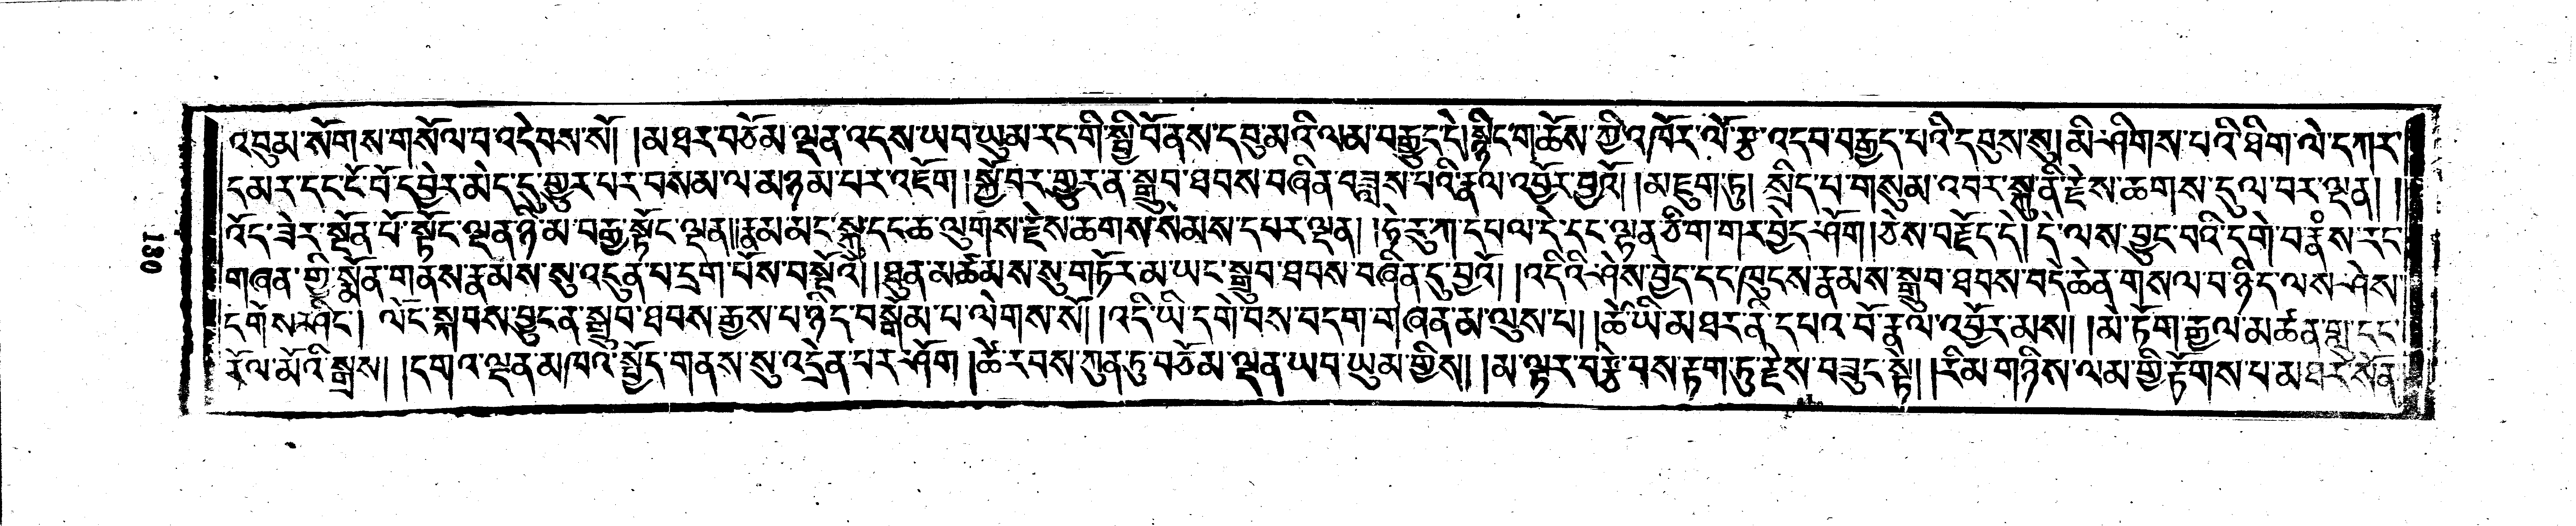འབུམ་སོགས་གསོལ་བ་འདེབས་སོ། །མཐར་བཅོམ་ལྡན་འདས་ཡབ་ཡུམ་རང་གི་སྤྱི་བོ་ནས་དབུ་མའི་ལམ་བརྒྱུད་དེ། སྙིང་ག་ཆོས་ཀྱི་འཁོར་ལོ་རྩ་འདབ་བརྒྱད་པའི་དབུས་སུ། མི་ཤིགས་པའི་ཐིག་ལེ་དཀར་
དམར་དང་ངོ་བོ་དབྱེར་མེད་དུ་གྱུར་པར་བསམ་ལ་མཉམ་པར་འཇོག །སྐྱེ་བར་གྱུར་ན་སྒྲུབ་ཐབས་བཞིན་བཟླས་པའི་རྣལ་འབྱོར་བྱའོ། །མཇུག་ཏུ། སྲིད་པ་གསུམ་འབར་སྐུ་ནི་རྗེས་ཆགས་དུལ་བར་ལྡན།
འོད་ཟེར་སྔོན་པོ་སྟོང་ལྡན་ཉི་མ་བརྒྱ་སྟོང་ལྡན། །རྣམ་མང་སྐུ་དང་ཆ་ལུགས་རྗེས་ཆགས་སེམས་དཔར་ལྡན། །ཧེ་རུ་ཀ་དཔལ་དེ་དང་ལྷན་ཅིག་གར་བྱེད་ཤོག །ཅེས་བརྗོད་དེ། དེ་ལས་བྱུང་བའི་དགེ་བ་རྣམས་རང་
གཞན་གྱི་སྨོན་གནས་རྣམས་སུ་འདུན་པ་དྲག་པོས་བསྔོའོ། །ཐུན་མཚམས་སུ་གཏོར་མ་ཡང་སྒྲུབ་ཐབས་བཞིན་དུ་བྱའོ། །འདིའི་ཤེས་བྱེད་དང་ཁུངས་རྣམས་སྒྲུབ་ཐབས་བདེ་ཆེན་གསལ་བ་ཉིད་ལས་ཤེས་
དགོས་ཤིང་། ལོང་སྐབས་བྱུང་ན་སྒྲུབ་ཐབས་རྒྱས་པ་ཉིད་བསྒོམ་པ་ལེགས་སོ། །འདི་ཡི་དགེ་བས་བདག་གཞན་མ་ལུས་པ། །ཚེ་ཡི་མཐར་ནི་དཔའ་བོ་རྣལ་འབྱོར་མས། །མེ་ཏོག་རྒྱལ་མཚན་གླུ་དང་
རོལ་མོའི་སྒྲས། །དགའ་ལྡན་མཁའ་སྤྱོད་གནས་སུ་འདྲེན་པར་ཤོག །ཚེ་རབས་ཀུན་ཏུ་བཅོམ་ལྡན་ཡབ་ཡུམ་གྱིས། །མ་ལྟར་བརྩེ་བས་རྟག་ཏུ་རྗེས་བཟུང་སྟེ། །རིམ་གཉིས་ལམ་གྱི་རྟོགས་པ་མཐར་སོན་